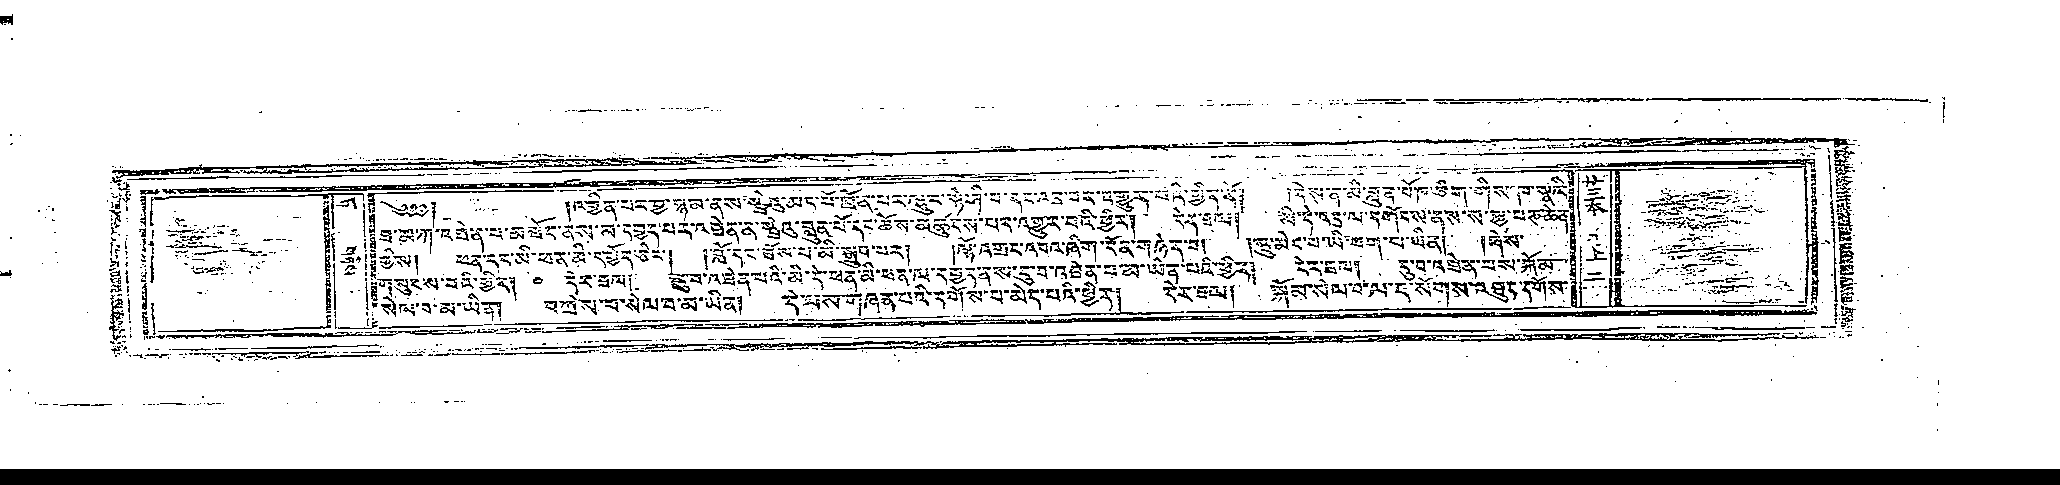༄༅༅། །འབྱིན་པར་བྱ་སྙམ་ནས་སྤྲེའུ་མང་པོ་ཁྲོན་པར་ལྷུང་སྟེ་ཤི་པ་དང་འདྲ་བར་འགྱུར་བའི་ཕྱིར་རོ། །དེས་ན་མི་བླུན་པོ་ཁ་ཅིག་གིས་ཁ་སྣའི་
ཐ་མ་ཀ་འཐེན་པ་མཐོང་ནས་མ་དཔྱད་པར་འཐེན་ན་སྤྲེའུ་བླུན་པོ་དང་ཆོས་མཚུངས་པར་འགྱུར་བའི་ཕྱིར། དེར་ཐལ། མི་དེ་འདྲ་ལ་དགོངས་ནས་ས་སྐྱ་པན་ཆེན་
གྱིས། ཕན་དང་མི་ཕན་མི་དཔྱོད་ཅིང་། །བློ་དང་ཐོས་པ་མི་སྒྲུབ་པར། །ལྟོ་འགྲང་འབའ་ཞིག་དོན་གཉེར་བ། །སྤུ་མེད་བ་ཡི་ཕག་པ་ཡིན། །ཞེས་
གསུངས་པའི་ཕྱིར། དེར་ཐལ། དུ་བ་འཐེན་པའི་མི་དེ་ཕན་མི་ཕན་ལ་དཔྱད་ནས་དུ་བ་འཐེན་པ་མ་ཡིན་པའི་ཕྱིར། དེར་ཐལ། དུ་བ་འཐེན་པས་སྐོམ་
སེལ་བ་མ་ཡིན། བཀྲེས་པ་སེལ་བ་མ་ཡིན། དེ་ལས་གཞན་པའི་དགོས་པ་མེད་པའི་ཕྱིར། དེར་ཐལ། སྐོམ་སེལ་བ་ལ་ཇ་སོགས་འཐུང་དགོས་